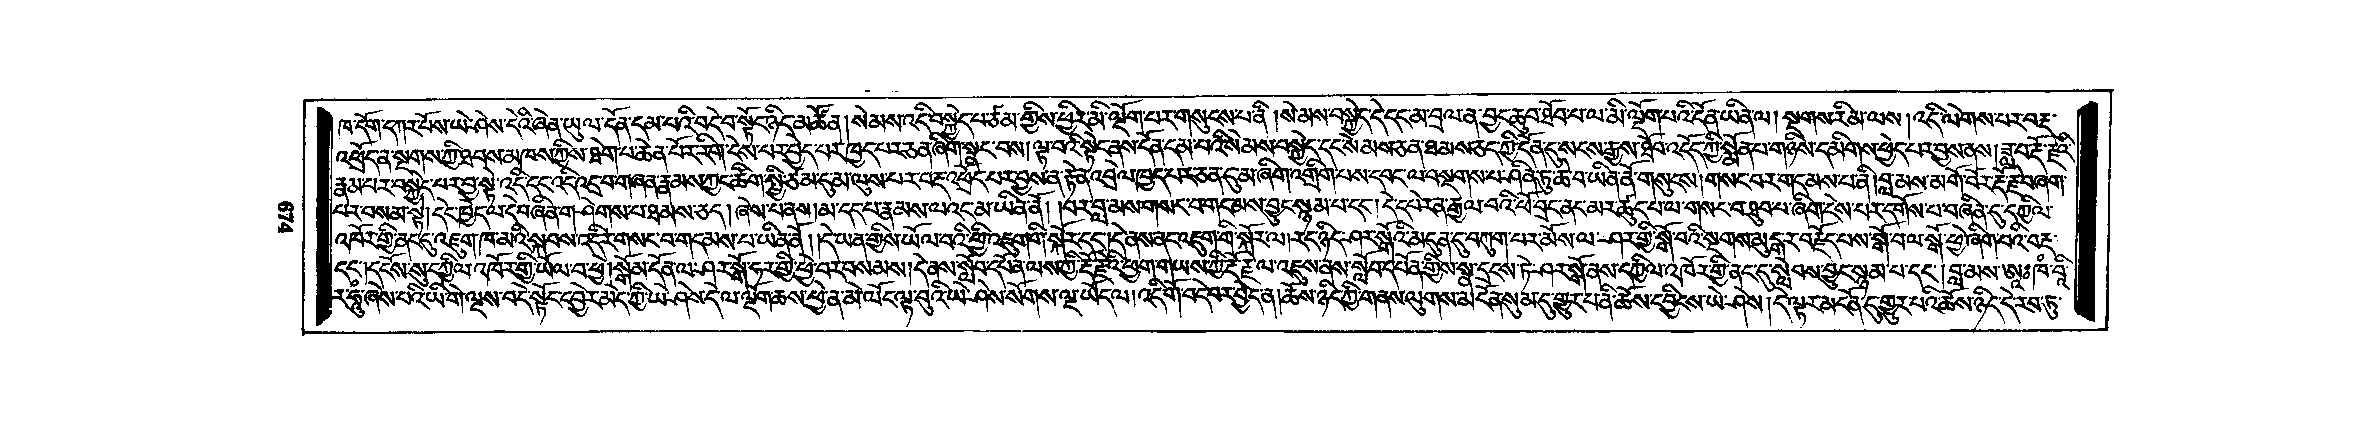ཁ་དོག་དཀར་པོས་ཡེ་ཤེས་དེའི་ཞེན་ཡུལ་དོན་དམ་པའི་བདེ་བ་སྟོང་ཉིད་མཚོན། སེམས་འདི་བསྐྱེད་པ་ཙམ་གྱིས་ཕྱིར་མི་ལྡོག་པར་གསུངས་པ་ནི། སེམས་བསྐྱེད་དེ་དང་མ་བྲལ་ན་བྱང་ཆུབ་ཐོབ་པ་ལ་མི་ལྡོག་པའི་དོན་ཡིན་ལ། སྔགས་རིམ་ལས། འདི་ལེགས་པར་བརྡ་
འཕྲོད་ན་སྔགས་ཀྱི་ཐབས་མཁས་ཀྱིས་ཐེག་པ་ཆེན་པོར་རིག་ངེས་པར་བྱེད་པར་ཁྱད་པར་ཅན་ཞིག་སྣང་བས། ལྟ་བའི་སྟེང་ནས་དོན་དམ་པའི་སེམས་བསྐྱེད་དང་སེམས་ཅན་ཐམས་ཅད་ཀྱི་དོན་དུ་སངས་རྒྱས་ཐོབ་འདོད་ཀྱི་སྨོན་པ་གཉིས་དམིགས་ཕྱེད་པར་བྱས་ནས། ཟླ་བ་རྡོ་རྗེའི་
རྣམ་པར་བསྐྱེད་པར་བྱ་སྟེ་འདི་དང་འདི་འདྲ་བ་གཞན་རྣམས་ཀྱང་ཚིག་སྤྱི་ཙམ་དུ་མ་ལུས་པར་བརྡ་འཕྲོད་པར་བྱས་ན་རྟེན་འབྲེལ་ཁྱད་པར་ཅན་དུ་མ་ཞིག་འགྲིག་པས་དབང་ལ་བསྔགས་པ་ཤིན་ཏུ་ཆེ་བ་ཡིན་ནོ་གསུངས། གསང་བར་གདམས་པ་ནི། བླ་མས་མགོ་བོར་རྡོ་རྗེ་བཞག་
པར་བསམ་སྟེ། དེང་ཁྱེད་ལ་དེ་བཞིན་གཤེགས་པ་ཐམས་ཅད། ཞེས་པ་ནས། མ་དད་པ་རྣམས་ལའང་མ་ཡིན་ནོ། །བར་བླ་མས་གསང་བ་གང་མས་བྱུང་སྙམ་པ་དང་། དེ་དཔེར་ན་རྒྱལ་བའི་ཕོ་བྲང་ནང་མར་ཚུད་པ་ལ་གསང་བ་ཐུབ་པ་ཞིག་ངེས་པར་དགོས་པ་བཞིན་དུ་དཀྱིལ་
འཁོར་གྱི་ནང་དུ་འཇུག་ཁ་མའི་སྐབས་འདིར་གསང་བ་གདམས་པ་ཡིན་ནོ། །དེ་ཡན་གྱིས་ཡོལ་བའི་ཕྱི་འཇུག་གི་སྐོར་དང་། དེ་ནས་ནང་འཇུག་གི་སྐོར་ལ། རང་ཉིད་ཤར་སྒོའི་མདུན་དུ་བཀུག་པར་མོས་ལ་ཤར་གྱི་སྒོ་བའི་སྔགས་མུངྒ་ར་བརྗོད་པས་སྒོ་བ་ལ་སྒོ་ཕྱེ་ཞིག་པའི་བརྡ་
དང་། དངོས་སུ་དཀྱིལ་འཁོར་གྱི་ཡོལ་བ་ཕྱེ། སྒོམ་དོན་ལ་ཤར་སྒོ་ཧར་གྱི་ཕྱེ་བར་བསམས། དེ་ནས་སློབ་དཔོན་ལས་ཀྱི་རྡོ་རྗེའི་ཕྱག་གཡས་ཀྱི་རྡོ་རྗེ་ལ་འཇུས་ནས་སློབ་དཔོན་གྱིས་སྣ་དྲངས་ཏེ་ཤར་སྒོ་ནས་དཀྱིལ་འཁོར་གྱི་ནང་དུ་སླེབས་བྱུང་སྙམ་པ་དང་། བླ་མས་ཨཱཿ ཁཾ་བཱི་
ར་ཧཱུཾ་ཞེས་པའི་ཡི་གེ་ལྔས་བདེ་སྟོང་དབྱེར་མེད་ཀྱི་ཡེ་ཤེས་དེ་ལ་ལྡོག་ཆས་ཕྱེ་ན་མེ་ལོང་ལྟ་བུའི་ཡེ་ཤེས་སོགས་ལྔ་ཡོད་ལ། འདི་གོ་བདེ་བར་བྱེད་ན། ཆོས་ཉིད་ཀྱི་གནས་ལུགས་མངོན་སུམ་དུ་གྱུར་པ་ནི་ཆོས་དབྱིངས་ཡེ་ཤེས། དེ་ལྟར་མངོན་དུ་གྱུར་པའི་ཆོས་ཉིད་དེ་རབ་ཏུ་